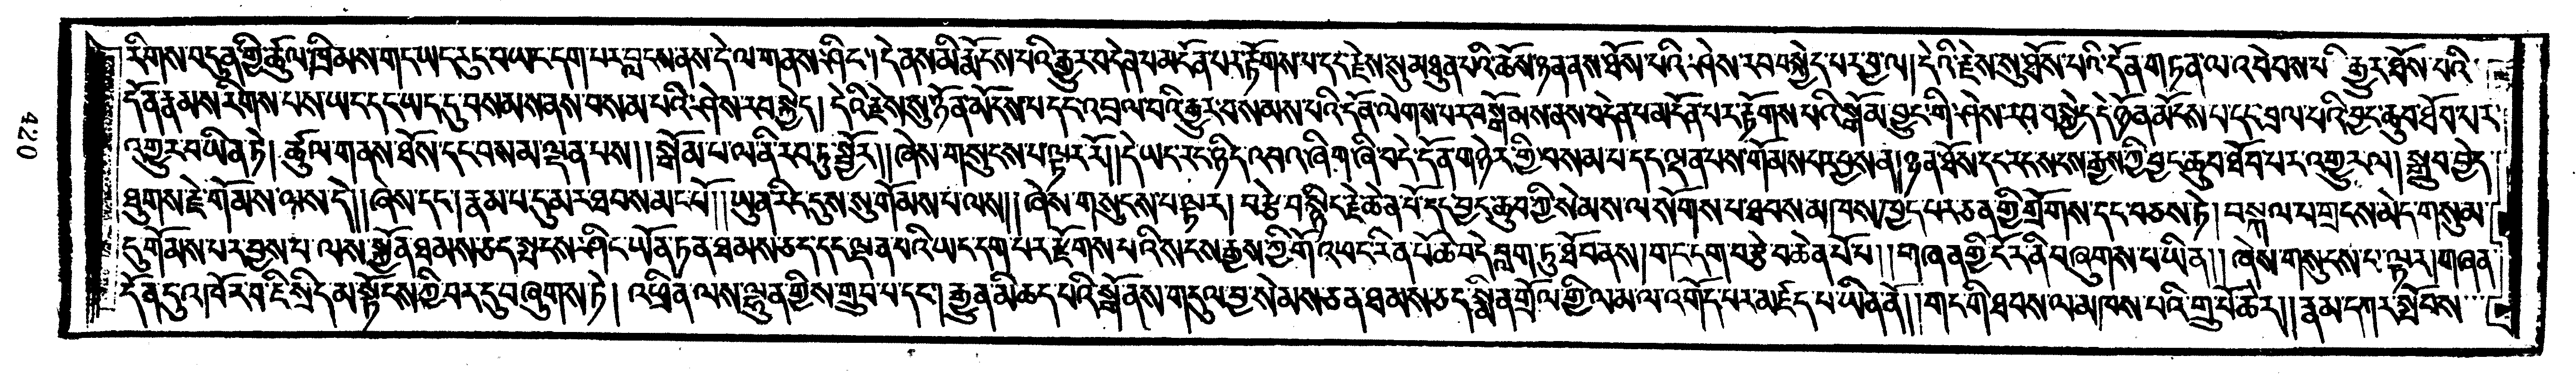རིགས་བདུན་གྱི་ཚུལ་ཁྲིམས་གང་ཡང་རུང་བ་ཡང་དག་པར་བླངས་ནས་དེ་ལ་གནས་ཤིང་། དེ་ནས་མི་རྨོངས་པའི་རྒྱུར་བདེན་པ་མངོན་པར་རྟོགས་པ་དང་རྗེས་སུ་མཐུན་པའི་ཆོས་ཉན་ནས་ཐོས་པའི་ཤེས་རབ་བསྐྱེད་པར་བྱ་ལ། དེའི་རྗེས་སུ་ཐོས་པའི་དོན་གཏན་ལ་འབེབས་པའི་རྒྱུར་ཐོས་པའི་
དོན་རྣམས་རིགས་པས་ཡང་དང་ཡང་དུ་བསམས་ནས་བསམ་པའི་ཤེས་རབ་སྐྱེད། དེའི་རྗེས་སུ་ཉོན་མོངས་པ་དང་འབྲལ་བའི་རྒྱུར་བསམས་པའི་དོན་ལེགས་པར་བསྒོམས་ནས་བདེན་པ་མངོན་པར་རྟོགས་པའི་སྒོམ་བྱུང་གི་ཤེས་རབ་བསྐྱེད་དེ་ཉོན་མོངས་པ་དང་བྲལ་བའི་བྱང་ཆུབ་ཐོབ་པར་
འགྱུར་བ་ཡིན་ཏེ། ཚུལ་གནས་ཐོས་དང་བསམ་ལྡན་པས། །སྒོམ་པ་ལ་ནི་རབ་ཏུ་སྦྱོར། །ཞེས་གསུངས་པ་ལྟར་རོ། །དེ་ཡང་རང་ཉིད་འབའ་ཞིག་ཞི་བདེ་དོན་གཉེར་གྱི་བསམ་པ་དང་ལྡན་པས་གོམས་པར་བྱས་ན། ཉན་ཐོས་དང་རང་སངས་རྒྱས་ཀྱི་བྱང་ཆུབ་ཐོབ་པར་འགྱུར་ལ། སྒྲུབ་བྱེད་
ཐུགས་རྗེ་གོམས་ལས་དེ། །ཞེས་དང་། རྣམ་པ་དུ་མར་ཐབས་མང་པོ། །ཡུན་རིང་དུས་སུ་གོམས་པ་ལས། །ཞེས་གསུངས་པ་ལྟར། བརྩེ་བ་སྙིང་རྗེ་ཆེན་པོ་དང་བྱང་ཆུབ་ཀྱི་སེམས་ལ་སོགས་པ་ཐབས་མཁས་ཁྱད་པར་ཅན་གྱི་གྲོགས་དང་བཅས་ཏེ། བསྐལ་པ་གྲངས་མེད་གསུམ་
དུ་གོམས་པར་བྱས་པ་ལས་སྐྱོན་ཐམས་ཅད་སྤངས་ཤིང་ཡོན་ཏན་ཐམས་ཅད་དང་ལྡན་པའི་ཡང་དག་པར་རྫོགས་པའི་སངས་རྒྱས་ཀྱི་གོ་འཕང་རིན་པོ་ཆེ་བདེ་བླག་ཏུ་ཐོབ་ནས། གང་དག་བརྩེ་བ་ཆེན་པོ་བ། །གཞན་གྱི་ངོར་ནི་བཞུགས་པ་ཡིན། །ཞེས་གསུངས་པ་ལྟར། གཞན་
དོན་དུ་འཁོར་བ་ཇི་སྲིད་མ་སྟོངས་ཀྱི་བར་དུ་བཞུགས་ཏེ། འཕྲིན་ལས་ལྷུན་གྱིས་གྲུབ་པ་དང་། རྒྱུན་མི་ཆད་པའི་སྒོ་ནས་གདུལ་བྱ་སེམས་ཅན་ཐམས་ཅད་སྨིན་གྲོལ་གྱི་ལམ་ལ་འགོད་པར་མཛད་པ་ཡིན་ནོ། །གང་གི་ཐབས་ལ་མཁས་པའི་གྲུབ་བོ་ཆེར། །རྣམ་དཀར་སྤོབས་